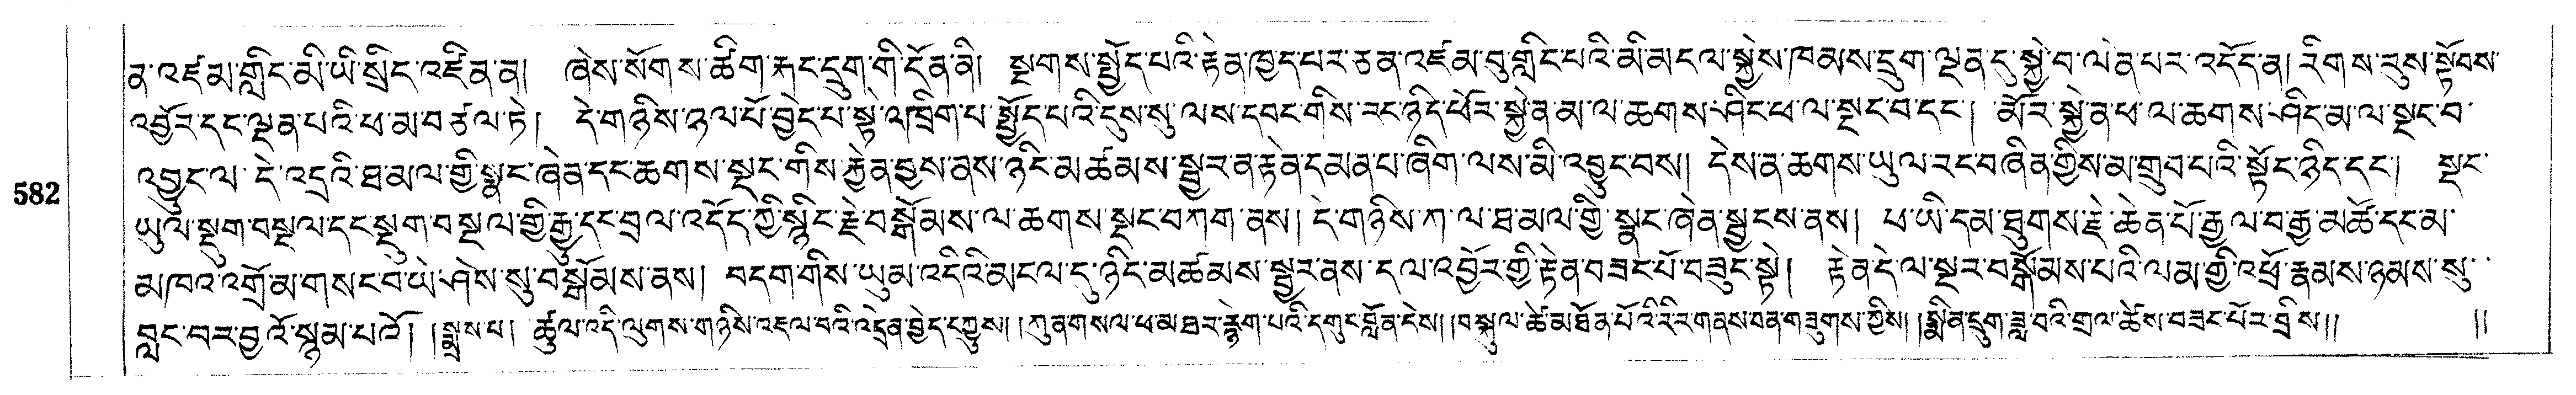ན་འཛམ་གླིང་མི་ཡི་སྲིད་འཛིན་ན། ཞེས་སོགས་ཚིག་རྐང་དྲུག་གི་དོན་ནི། སྔགས་སྤྱོད་པའི་རྟེན་ཁྱད་པར་ཅན་འཛམ་བུ་གླིང་པའི་མི་མངལ་སྐྱེས་ཁམས་དྲུག་ལྡན་དུ་སྐྱེ་བ་ལེན་པར་འདོད་ན། རིགས་རུས་སྟོབས་
འབྱོར་དང་ལྡན་པའི་ཕ་མ་བཙལ་ཏེ། དེ་གཉིས་ཉལ་པོ་བྱེད་པ་སྟེ་འཁྲིག་པ་སྤྱོད་པའི་དུས་སུ་ལས་དབང་གིས་རང་ཉིད་ཕོར་སྐྱེ་ན་མ་ལ་ཆགས་ཤིང་ཕ་ལ་སྡང་བ་དང་། མོར་སྐྱེ་ན་ཕ་ལ་ཆགས་ཤིང་མ་ལ་སྡང་བ་
འབྱུང་ལ་དེ་འདྲའི་ཐ་མལ་གྱི་སྣང་ཞེན་དང་ཆགས་སྡང་གིས་རྐྱེན་བྱས་ནས་ཉིང་མཚམས་སྦྱར་ན་རྟེན་དམན་པ་ཞིག་ལས་མི་འབྱུང་བས། དེས་ན་ཆགས་ཡུལ་རང་བཞིན་གྱིས་མ་གྲུབ་པའི་སྟོང་ཉིད་དང་། སྡང་
ཡུལ་སྡུག་བསྔལ་དང་སྡུག་བསྔལ་གྱི་རྒྱུ་དང་བྲལ་འདོད་ཀྱི་སྙིང་རྗེ་བསྒོམས་ལ་ཆགས་སྡང་བཀག་ནས། དེ་གཉིས་ཀ་ལ་ཐ་མལ་གྱི་སྣང་ཞེན་སྦྱངས་ནས། ཕ་ཡི་དམ་ཐུགས་རྗེ་ཆེན་པོ་རྒྱལ་བ་རྒྱ་མཚོ་དང་མ་
མཁའ་འགྲོ་མ་གསང་བ་ཡེ་ཤེས་སུ་བསྒོམས་ནས། བདག་གིས་ཡུམ་འདིའི་མངལ་དུ་ཉིང་མཚམས་སྦྱར་ནས་དལ་འབྱོར་གྱི་རྟེན་བཟང་པོ་བཟུང་སྟེ། རྟེན་དེ་ལ་སྔར་བསྒོམས་པའི་ལམ་གྱི་འཕྲོ་རྣམས་ཉམས་སུ་
བླང་བར་བྱའོ་སྙམ་པའོ། །  སྨྲས་པ། ཚུལ་འདི་ལུགས་གཉིས་འཇལ་བའི་འདྲེན་བྱེད་དཀྱུས། །ཀུན་གསལ་ཕ་མཐར་རྙེག་པའི་དགུང་བློན་དེས། །བསྐུལ་ཚེ་མཐོན་པོའི་རི་ར་གནས་བན་གཟུགས་ཀྱིས། །སྨིན་དྲུག་ཟླ་བའི་གྲལ་ཚེས་བཟང་པོར་བྲིས།། །།